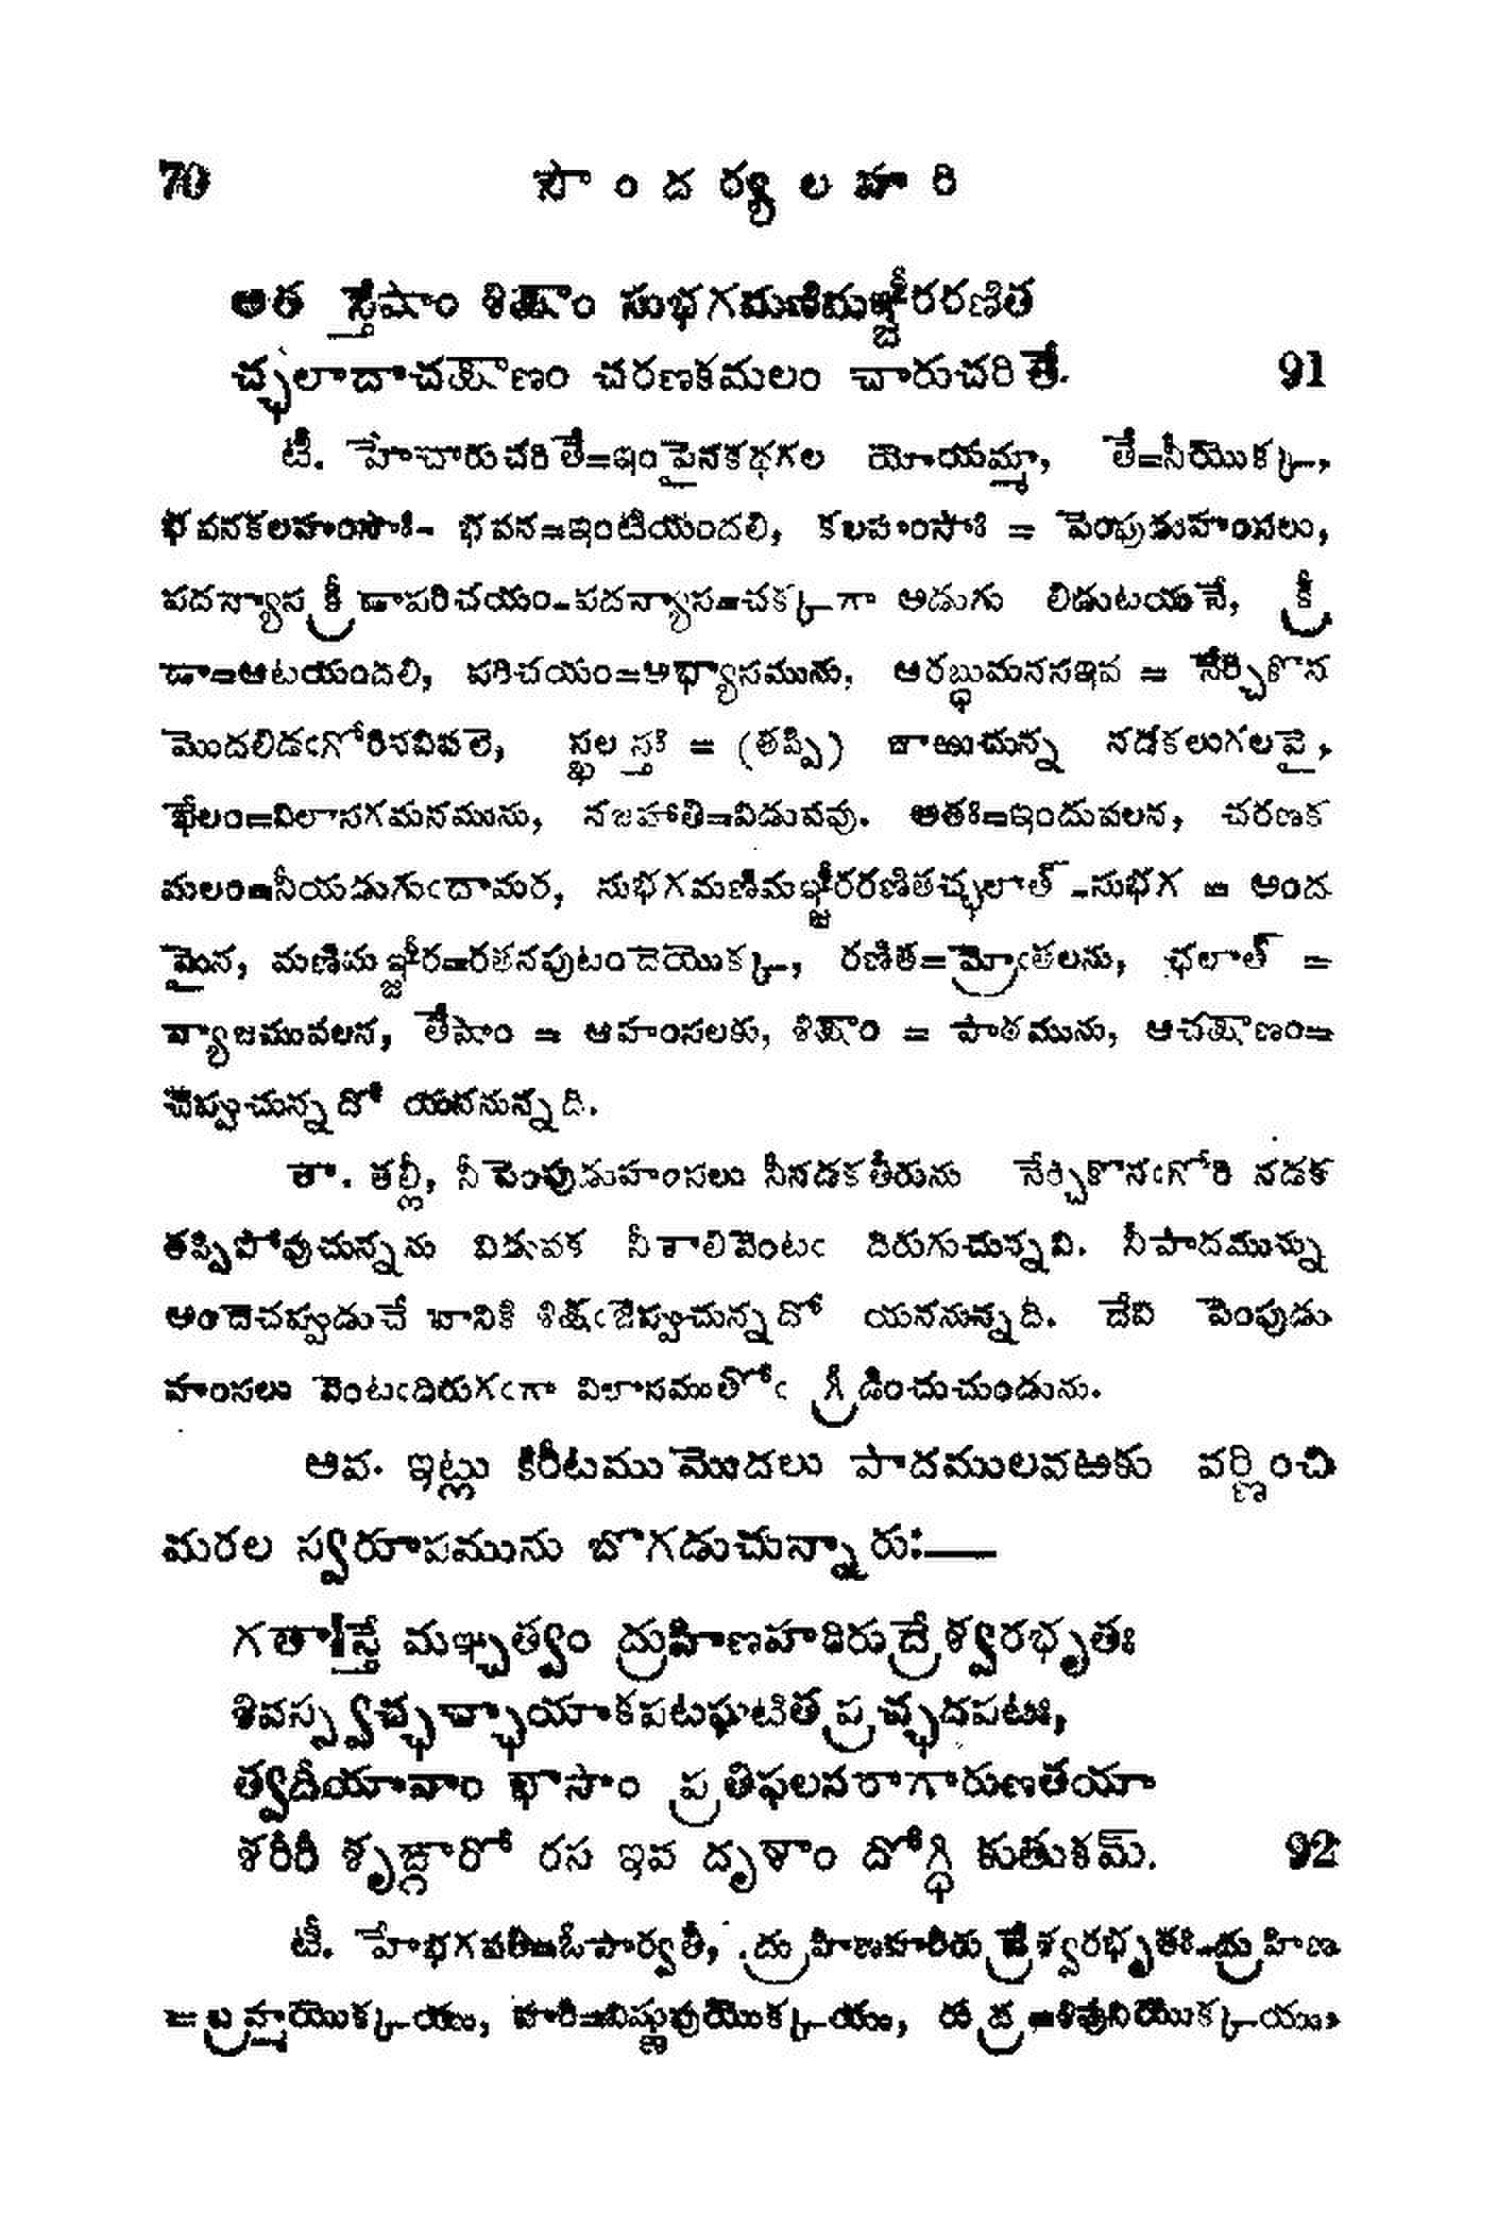అత స్తేషాం శిక్షాం సుభగమణిమఞ్జీరరణిత
చ్ఛలాదాచక్షాణం చరణకమలం చారుచరితే. 91
టీ. హేచారుచరితే = ఇంపైనకథగల యోయమ్మా, తే = నీయొక్క, భవనకలహంసాః-భవన = ఇంటియందలి, కలహంసాః = పెంపుడుహంసలు, పదన్యాసక్రీడాపరిచయం-పదన్యాస = చక్కగా అడుగు లిడుటయనే, క్రీడా = ఆటయందలి, పరిచయం = అభ్యాసమును, అరబ్ధుమనసఇవ = నేర్చికొన మొదలిడఁగోరినవివలె, స్ఖలన్తః = (తప్పి) జాఱుచున్న నడకలుగలవై, ఖేలం = విలాసగమనమును, నజహాతి = విడువవు, అతః = ఇందువలన, చరణకమలం = నీయడుగుఁదామర, సుభగమణిమఞ్జీరరణితచ్ఛలాత్-సుభగ = అందమైన, మణిమఞ్జీర = రతనపుటందెయొక్క, రణిత = మ్రోఁతలను, ఛలాత్ = వ్యాజమువలన, తేషాం = ఆహంసలకు, శిక్షాం = పాఠమును, ఆచక్షాణం = చెప్పుచున్నదో యననున్నది.

తా. తల్లీ, నీపెంపుడుహంసలు నీనడకతీరును నేర్చికొనఁగోరి నడక తప్పిపోవుచున్నను విడువక నీకాలివెంటఁ దిరుగుచున్నవి. నీపాదమున్ను అందెచప్పుడుచే వానికి శిక్షఁజెప్పుచున్నదో యననున్నది. దేవి పెంపుడు హంసలు వెంటఁదిరుగఁగా విలాసముతోఁ గ్రీడించుచుండును.

ఆవ. ఇట్లు కిరీటముమొదలు పాదములవఱకు వర్ణించి మరల స్వరూపమును బొగడుచున్నారు:-

గతాస్తే మఞ్చత్వం ద్రుహిణహరిరుద్రేశ్వరభృతః
శివస్స్వచ్ఛచ్ఛాయాకపటఘటితప్రచ్ఛదపటః,
త్వదీయానాం భాసాం ప్రతిఫలనరాగారుణతయా
శరీరీ శృఙ్గారో రస ఇవ దృశాం దోగ్ధి కుతుకమ్. 92
టీ. హేభగవతి = ఓపార్వతీ, ద్రుహిణహరిరుద్రేశ్వరభృతః-ద్రుహిణ = బ్రహ్మయొక్కయు, హరి = విష్ణువుయొక్కయు, రుద్ర = శివునియొక్కయు,